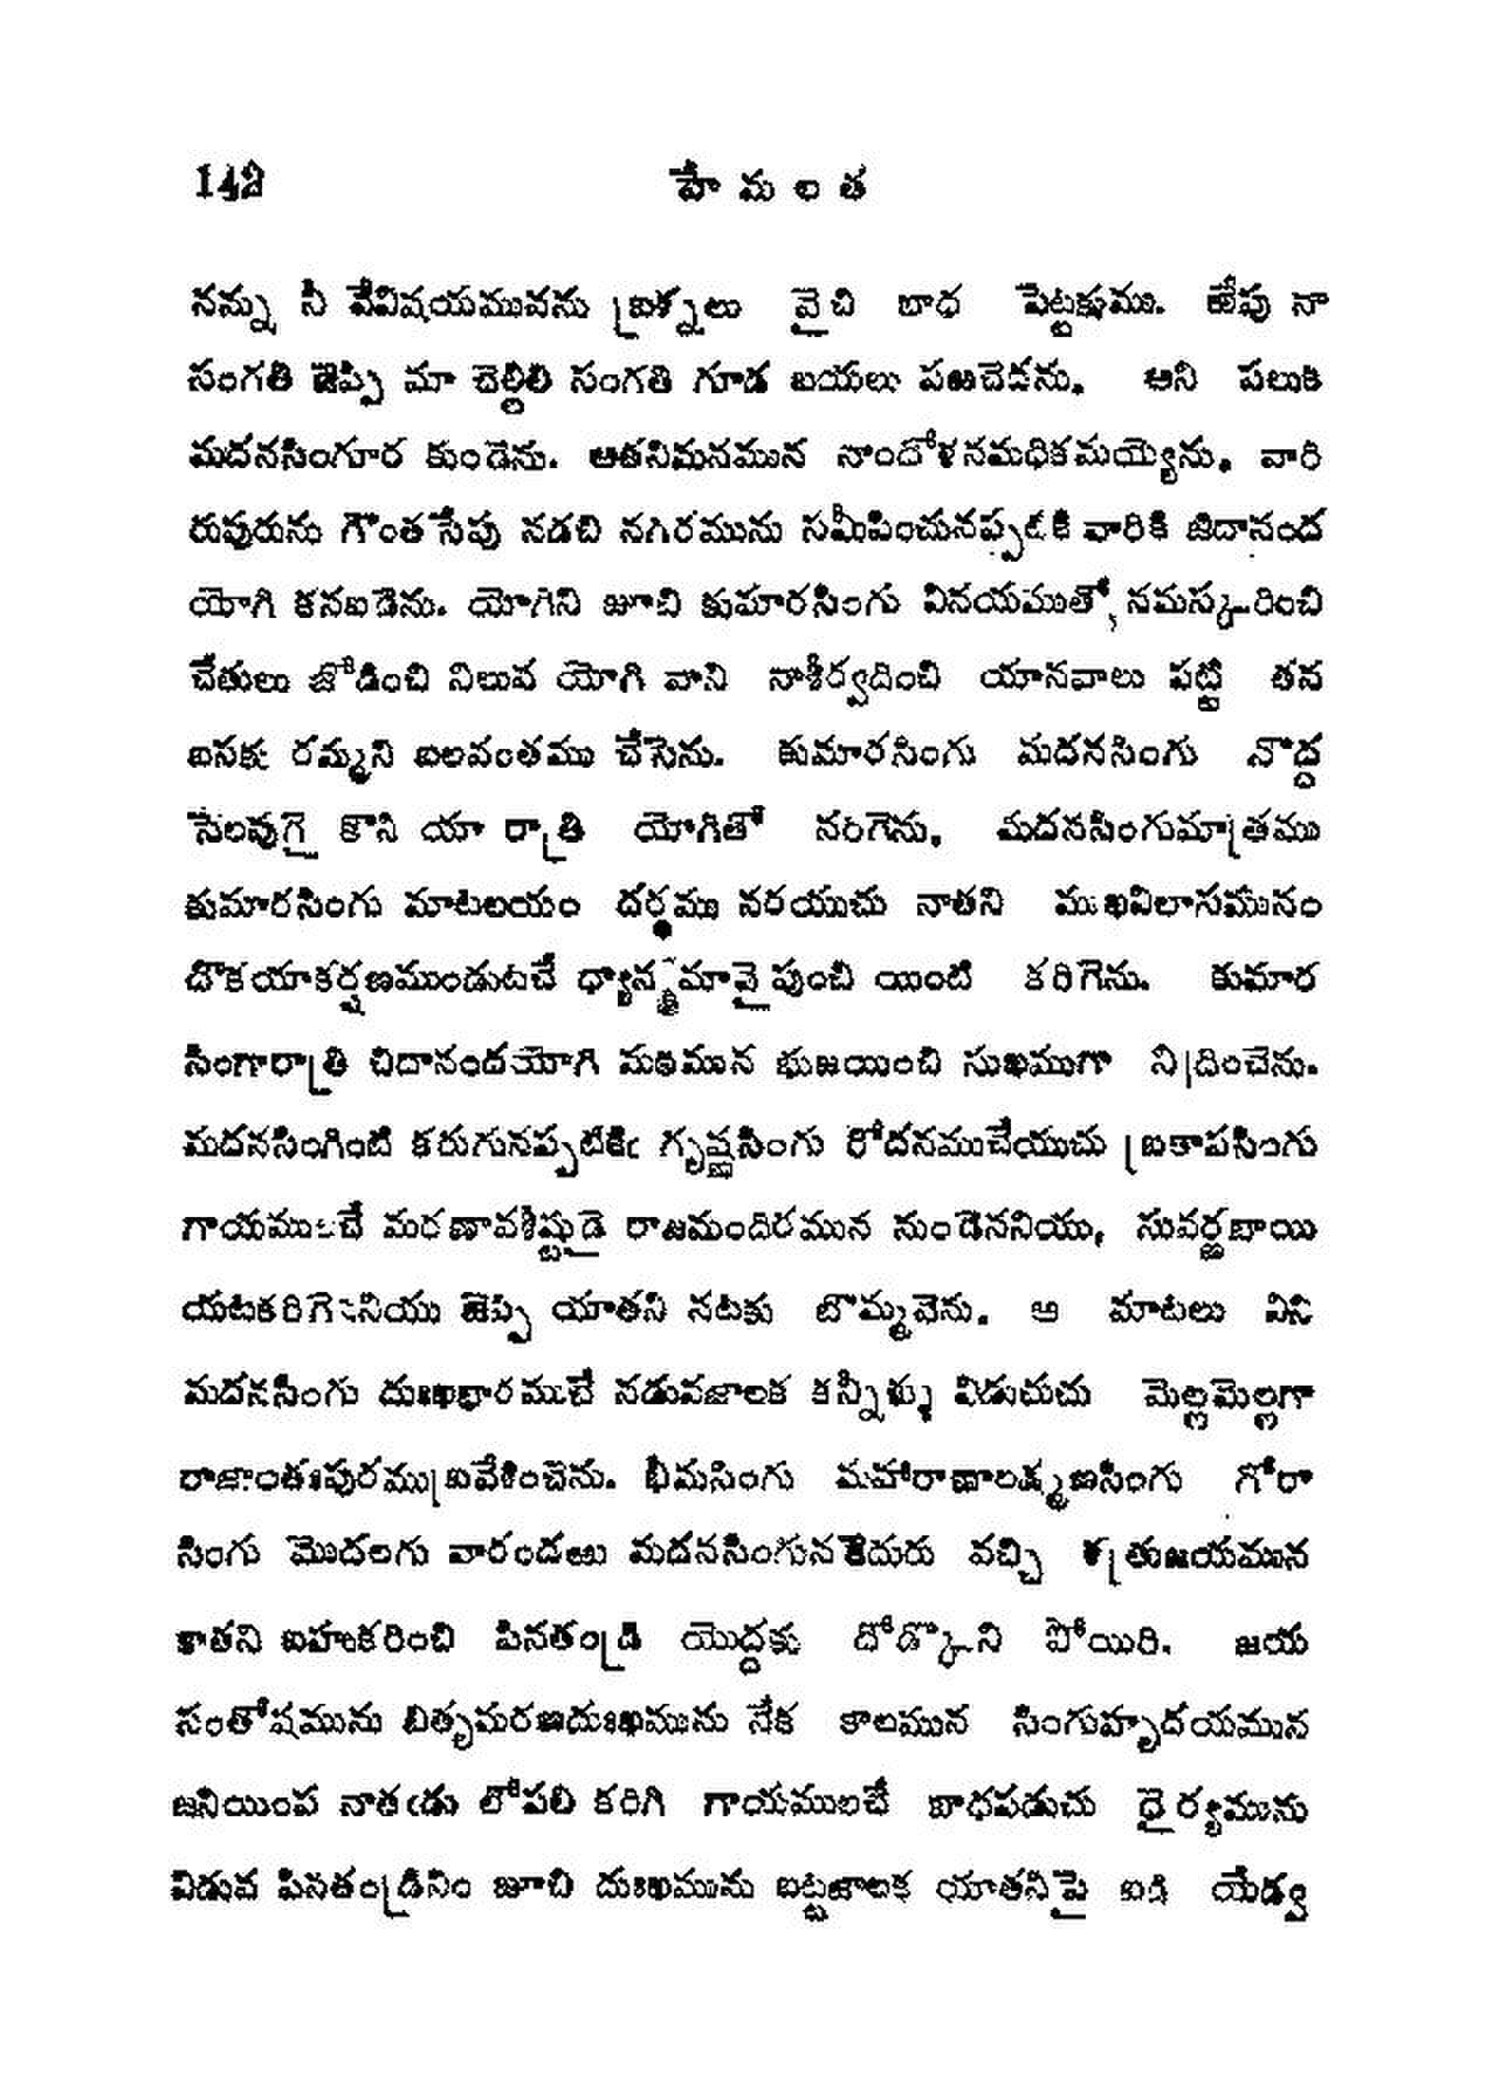నన్ను నీ వేవిషయమునను బ్రశ్నలు వైచి బాధ పెట్టకుము. ఱేపు నా సంగతి చెప్పి మా చెల్లెలి సంగతి గూడ బయలు పఱచెదను, అని పలుక మదనసింగూర కుండెను. అతనిమనమున నాందోళన మధికమయ్యెను. వారి రువురును గొంత సేపు నడచి నగరమును సమీపించునప్పుడు వారికి జిదానంద యోగి కనబడెను. యోగిని జూచి కుమారసింగు వినయముతో నమస్కరించి చేతులు జోడించి నిలువ యోగి వాని నాశీర్వదించి యానవాలు పట్టి తన బసకు రమ్మని బలవంతము చేసెను. కుమారసింగు మదనసింగు వొద్ద
సెలవుగై కొని యారాత్రి యోగితో నరిగెను, మదనసింగుమాత్రము కుమారసింగు మాటలయం దర్థము నరయుచు నాతని ముఖవిలాసమునం దొకయాకర్షణముండుటచే ధ్యాన్య మావైపుంచి యింటి కరిగెను. కుమార సింగారాత్రి చిదానందయోగి మఠమున భుజియించి సుఖముగా నిద్రించెను. మదనసింగింటి కరుగునప్పటికిఁ గృష్ణసింగు రోదనముచేయుచు బ్రతాపసింగు గాయములచే మరణావశిష్టుడై రాజమందిరమున నుండెననియు, సువర్ణ బాయి యటకరిగెననియు జెప్పి యాతని నటకు బొమ్మనెను. ఆ మాటలు విని మదనసింగు దుఃఖభారముచే నడువజాలక కన్నీళ్ళు విడుచుచు మెల్లమెల్లగా రాజాంతఃపురము బ్రవేశించెను. భీమసింగు, మహారాణాలక్ష్మణసింగు, గోరా సింగు మొదలగు వారందఱు మదనసింగున కెదురు వచ్చి శత్రుజయమున కాతని బహుకరించి పినతండ్రి యొద్దకు దోడ్కొని పోయిరి. జయ
సంతోషమును బితృమరణదుఃఖమును నేక కాలమున సింగుహృదయమున జనియింప నాతఁడు లోపలి కరిగి గాయములచే బాధపడుచు ధైర్యమును విడువ పినతండ్రినిం జూచి దుఃఖమును బట్టజాలక యాతనిపై బడి యేడ్వ